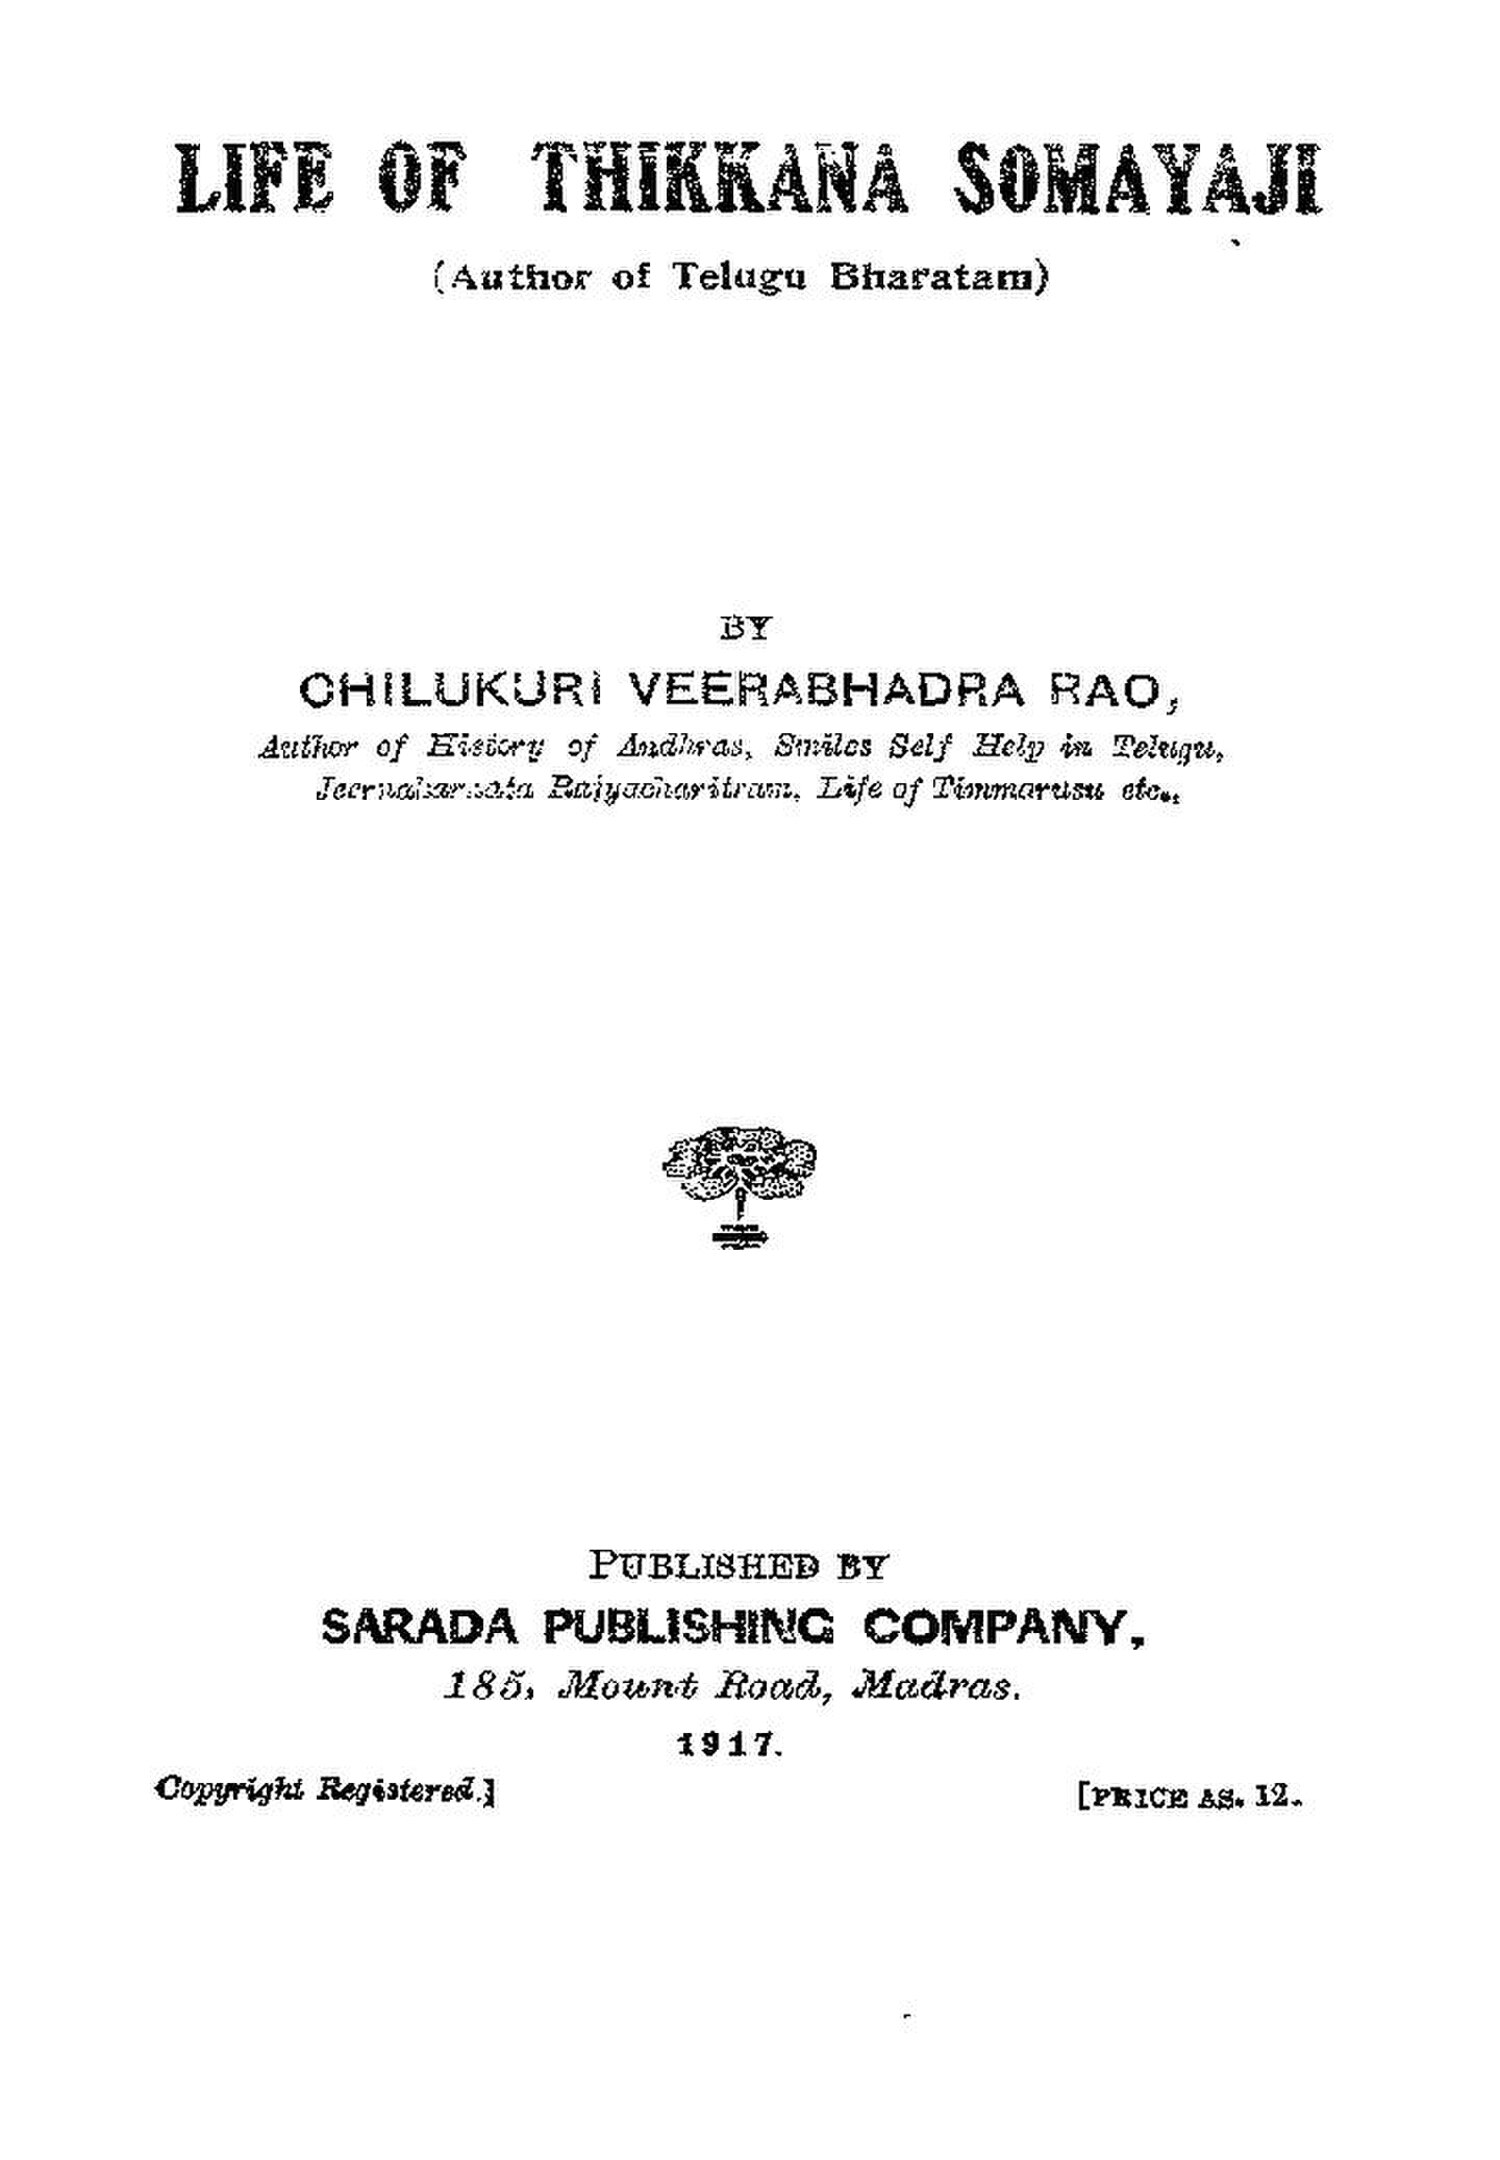LIFE OF THIKKANA SOMAYAJI
(Author of Telugu Bharatam)

BY 
CHILUKURI VEERABHADRA RAO. 
Author of History of Andhras, Smiles Self Help in Telugu,
Jeernakarnataka Rajyacharitram Life of Timmarusu etc,

PUBLISHED BY 
SARADA PUBLISHING COMPANY. 
185, Mount Road, Madras.
1917. 

Copyright Registered]